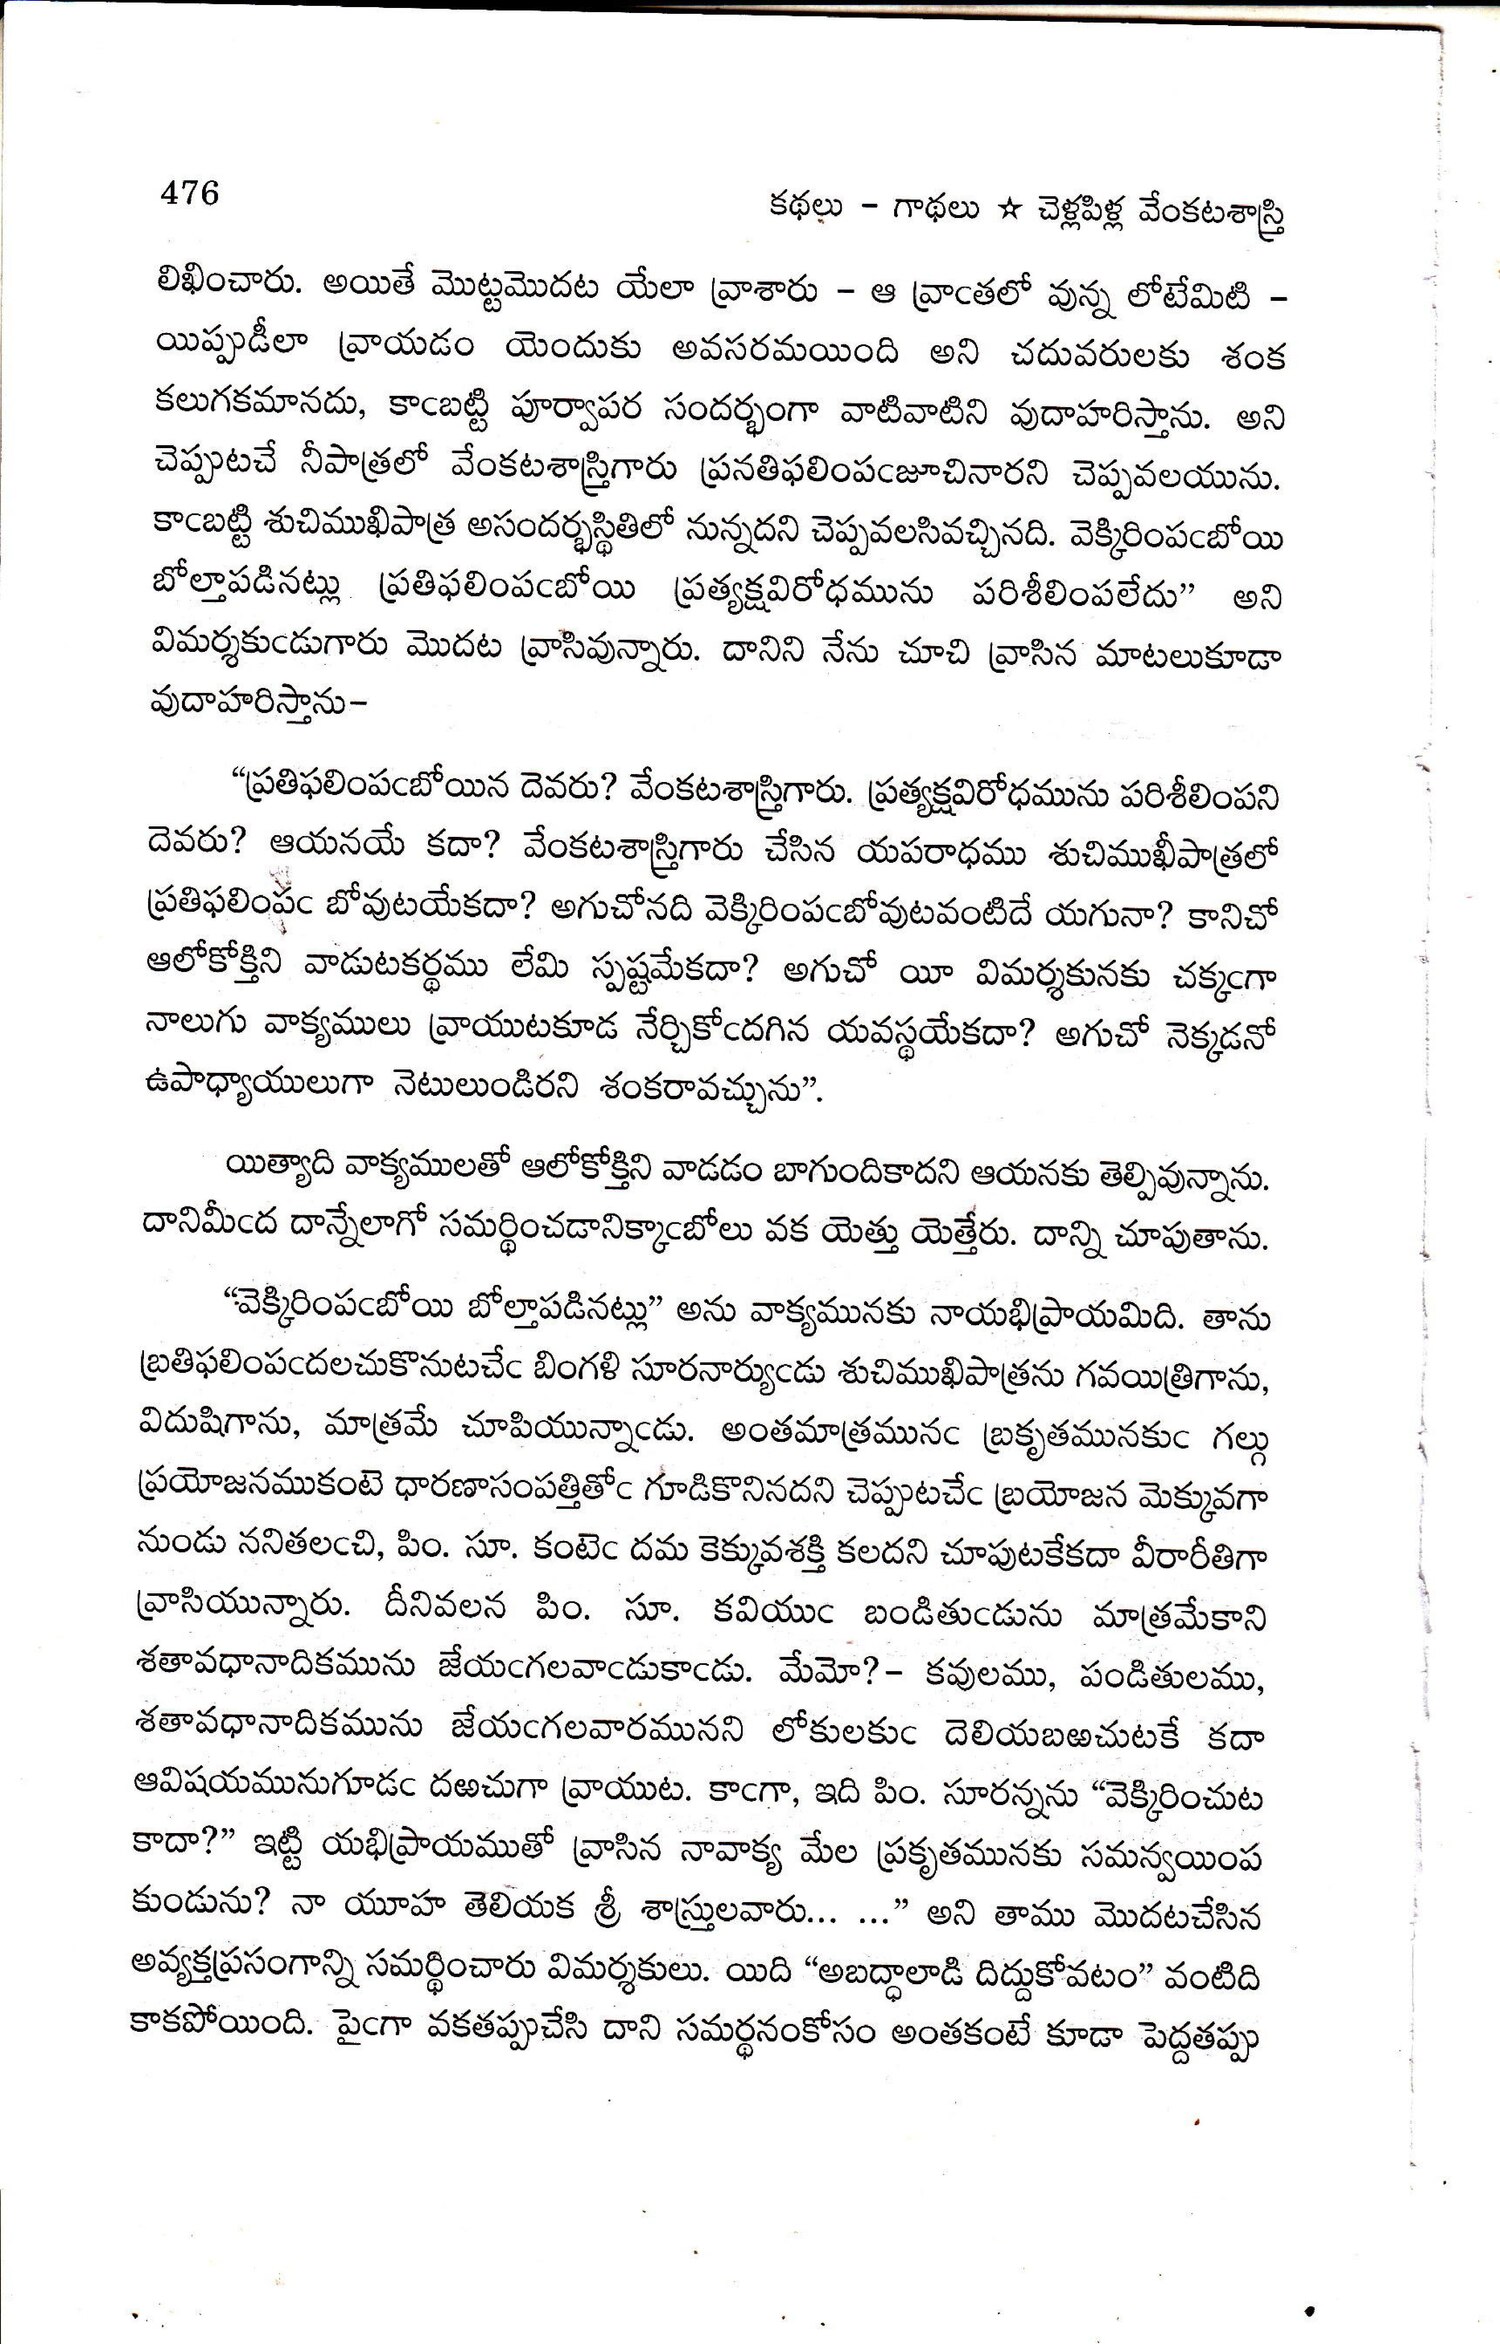లిఖించారు. అయితే మొట్టమొదట యేలా వ్రాశారు - ఆ వ్రాఁతలో వున్న లోటేమిటి - యిప్పుడీలా వ్రాయడం యెందుకు అవసరమయింది అని చదువరులకు శంక కలుగకమానదు, కాఁబట్టి పూర్వాపర సందర్భంగా వాటివాటిని వుదాహరిస్తాను. అని చెప్పుటచే నీపాత్రలో వేంకటశాస్త్రిగారు ప్రనతిఫలింపఁజూచినారని చెప్పవలయును. కాఁబట్టి శుచిముఖిపాత్ర అసందర్భస్థితిలో నున్నదని చెప్పవలసివచ్చినది. వెక్కిరింపఁబోయి బోల్తాపడినట్లు ప్రతిఫలింపఁబోయి ప్రత్యక్షవిరోధమును పరిశీలింపలేదు” అని విమర్శకుఁడుగారు మొదట వ్రాసివున్నారు. దానిని నేను చూచి వ్రాసిన మాటలుకూడా వుదాహరిస్తాను-

"ప్రతిఫలింపఁబోయిన దెవరు? వేంకటశాస్త్రిగారు. ప్రత్యక్షవిరోధమును పరిశీలింపని దెవరు? ఆయనయే కదా? వేంకటశాస్త్రిగారు చేసిన యపరాధము శుచిముఖీపాత్రలో ప్రతిఫలింపఁ బోవుటయేకదా? అగుచోనది వెక్కిరింపఁబోవుటవంటిదే యగునా? కానిచో ఆలోకోక్తిని వాడుటకర్థము లేమి స్పష్టమేకదా? అగుచో యీ విమర్శకునకు చక్కగా నాలుగు వాక్యములు వ్రాయుటకూడ నేర్చికోcదగిన యవస్థయేకదా? అగుచో నెక్కడనో ఉపాధ్యాయులుగా నెటులుండిరని శంకరావచ్చును".

యిత్యాది వాక్యములతో ఆలోకోక్తిని వాడడం బాగుందికాదని ఆయనకు తెల్పివున్నాను. దానిమీఁద దాన్నేలాగో సమర్ధించడానిక్కాఁబోలు వక యెత్తు యెత్తేరు. దాన్ని చూపుతాను.

"వెక్కిరింపఁబోయి బోల్తాపడినట్లు" అను వాక్యమునకు నాయభిప్రాయమిది. తాను బ్రతిఫలింపఁదలచుకొనుటచేఁ బింగళి సూరనార్యుఁడు శుచిముఖిపాత్రను గవయిత్రిగాను, విదుషిగాను, మాత్రమే చూపియున్నాఁడు. అంతమాత్రమునఁ బ్రకృతమునకుఁ గల్గు ప్రయోజనముకంటె ధారణాసంపత్తితోఁ గూడికొనినదని చెప్పుటచేఁ బ్రయోజన మెక్కువగా నుండు ననితలఁచి, పిం. సూ. కంటెఁ దమ కెక్కువశక్తి కలదని చూపుటకేకదా వీరారీతిగా
వ్రాసియున్నారు. దీనివలన పిం. సూ. కవియుఁ బండితుఁడును మాత్రమేకాని శతావధానాదికమును జేయఁగలవాఁడుకాఁడు. మేమో?- కవులము, పండితులము, శతావధానాదికమును జేయఁగలవారమునని లోకులకుఁ దెలియబఱచుటకే కదా - ఆవిషయమునుగూడఁ దఱచుగా వ్రాయుట. కాఁగా, ఇది పిం. సూరన్నను "వెక్కిరించుట కాదా?" ఇట్టి యభిప్రాయముతో వ్రాసిన నావాక్య మేల ప్రకృతమునకు సమన్వయింప కుండును? నా యూహ తెలియక శ్రీ శాస్త్రులవారు... ..." అని తాము మొదటచేసిన అవ్యక్తప్రసంగాన్ని సమర్థించారు విమర్శకులు. యిది "అబద్ధాలాడి దిద్దుకోవటం" వంటిది కాకపోయింది. పైఁగా వకతప్పుచేసి దాని సమర్ధనంకోసం అంతకంటే కూడా పెద్దతప్పు